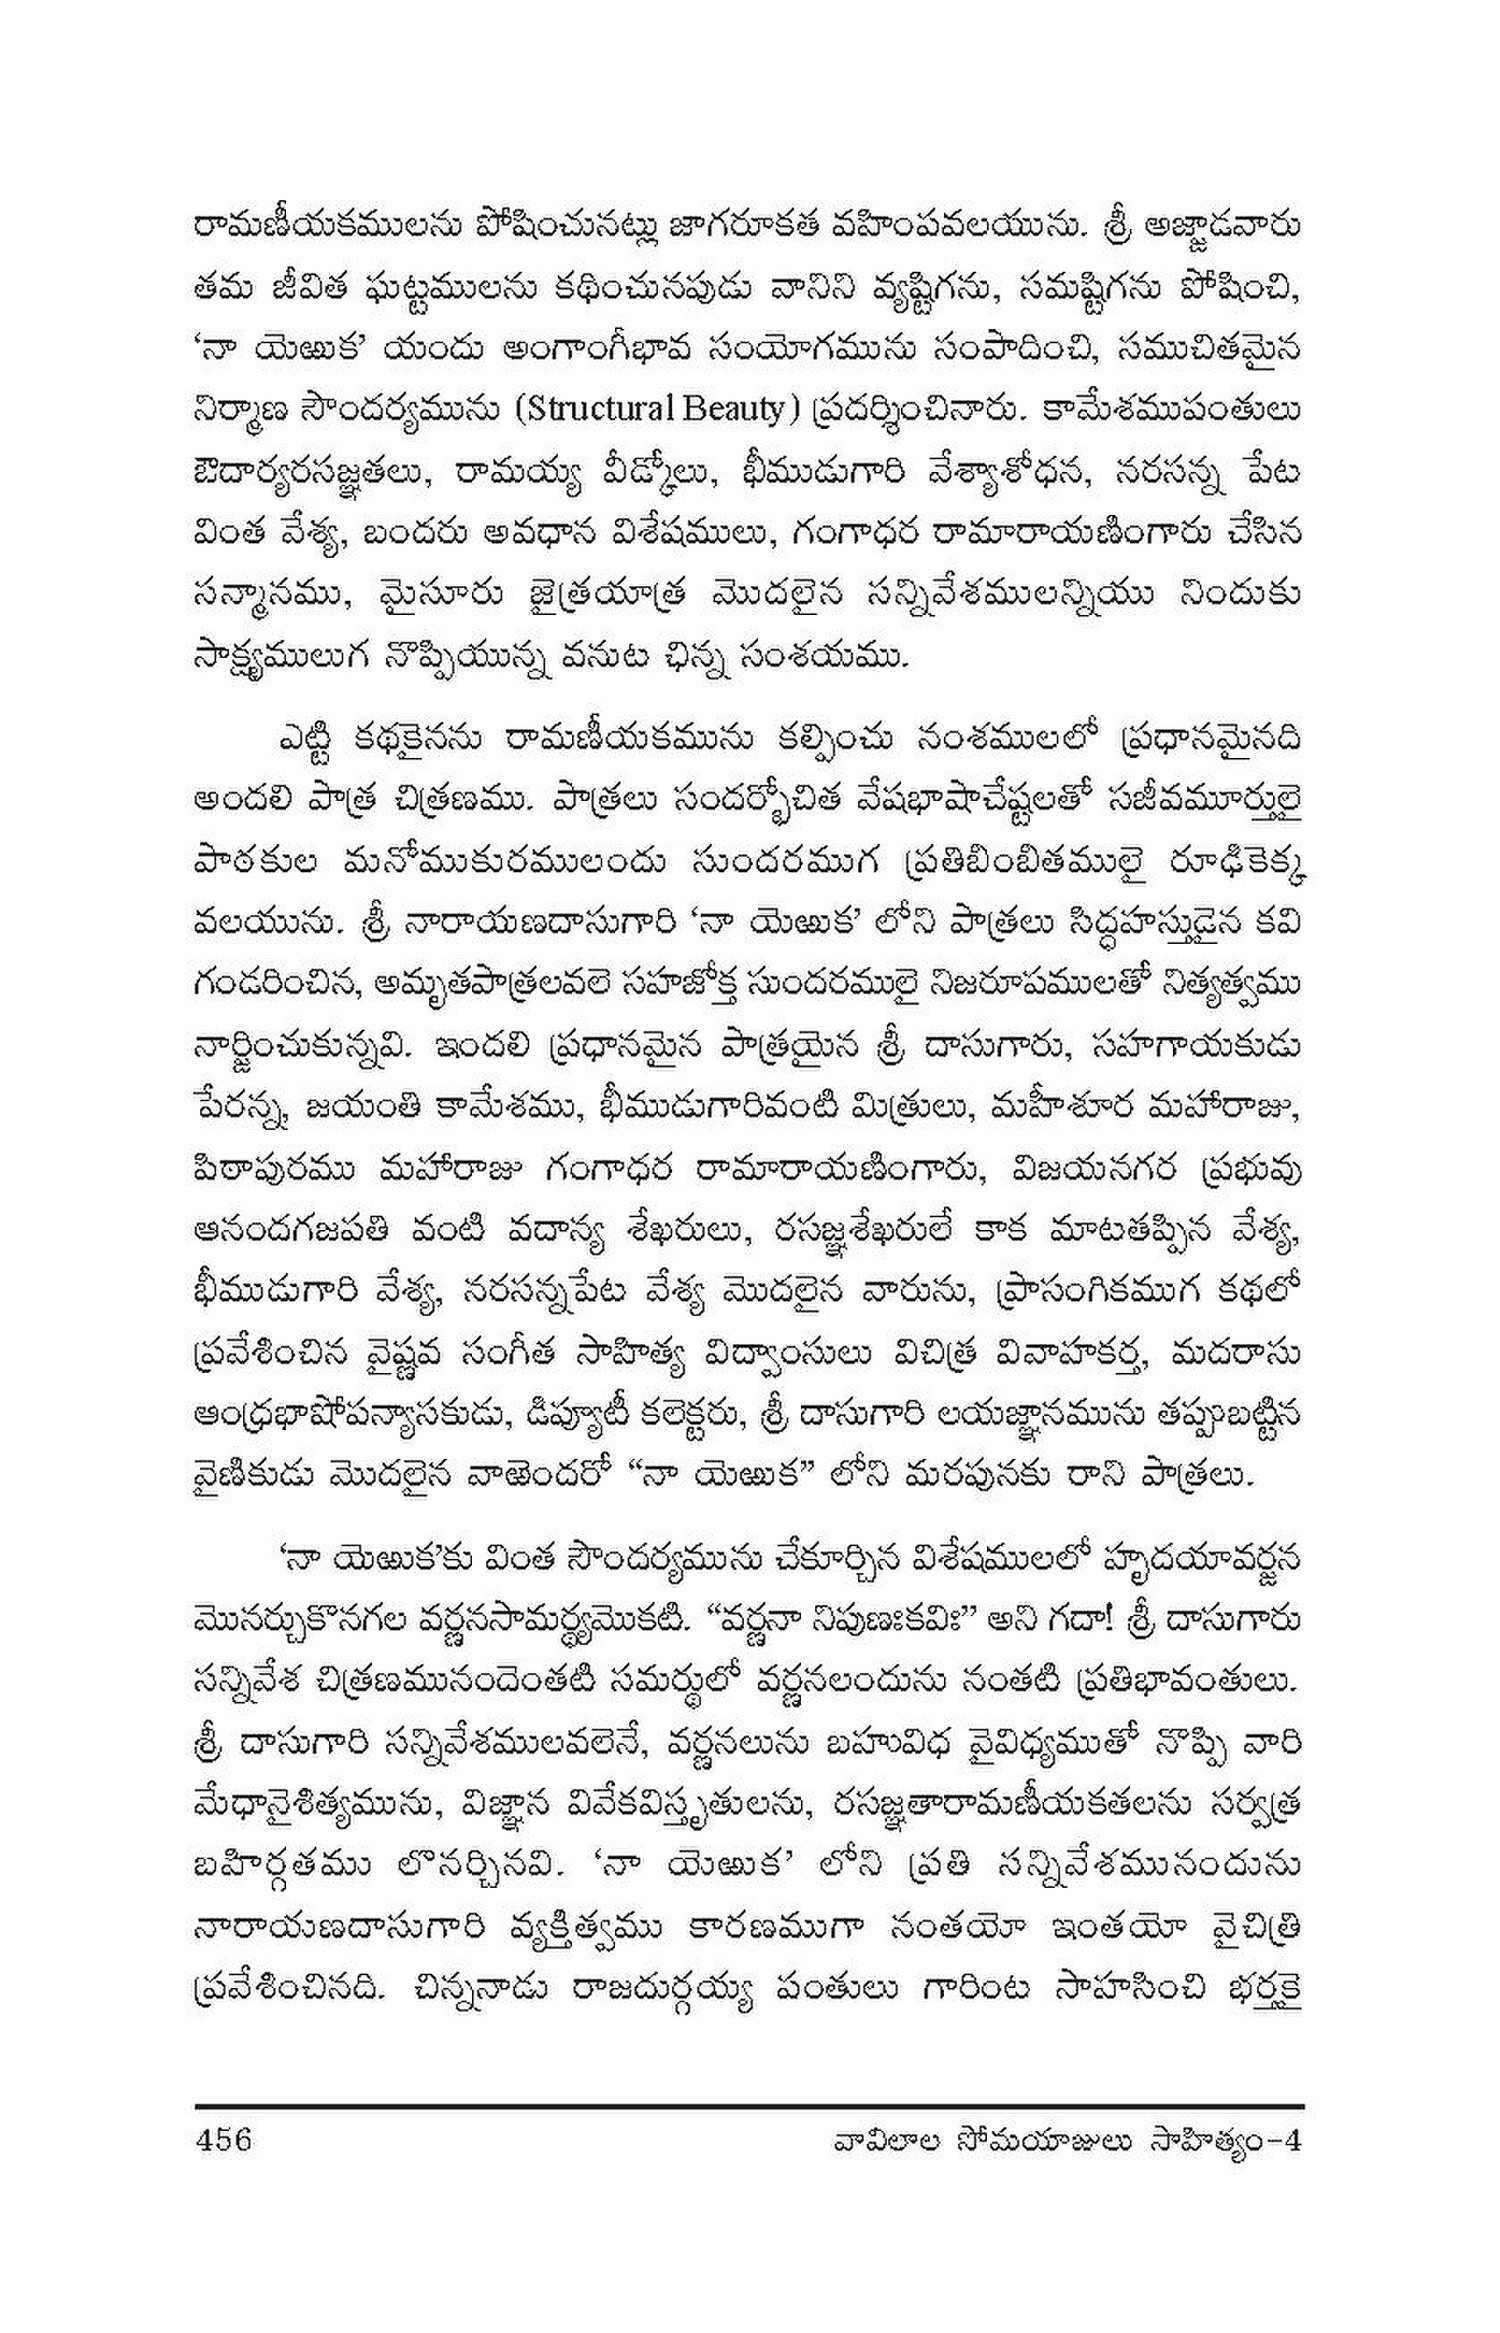రామణీయకములను పోషించునట్లు జాగరూకత వహింపవలయును. శ్రీ అజ్జాడవారు
తమ జీవిత ఘట్టములను కథించునపుడు వానిని వ్యష్టిగాను, సమష్టిగను పోషించి,
'నా యెఱుక' యందు అంగాంగీభావ సంయోగమును సంపాదించి, సముచితమైన
నిర్మాణ సౌందర్యమును (Structural Beauty) ప్రదర్శించినారు. కామేశముపంతులు
ఔదార్యరసజ్ఞతలు, రామయ్య వీడ్కోలు, భీముడుగారి వేశ్యాశోధన, నరసన్న పేట
వింత వేశ్య, బందరు అవధాన విశేషములు, గంగాధర రామారాయణింగారు చేసిన
సన్మానము, మైసూరు జైత్రయాత్ర మొదలైన సన్నివేశములన్నియు నిందుకు
సాక్ష్యములుగ నొప్పియున్న వనుట ఛిన్న సంశయము.

ఎట్టి కథకైనను రామణీయకమును కల్పించు నంశములలో ప్రధానమైనది
అందలి పాత్ర చిత్రణము. పాత్రలు సందర్భోచిత వేషభాషాచేష్టలతో సజీవమూర్తులై
పాఠకుల మనోముకురములందు సుందరముగ ప్రతిబింబితములై రూఢికెక్క
వలయును. శ్రీ నారాయణదాసుగారి 'నా యెఱుక' లోని పాత్రలు సిద్దహస్తుడైన కవి
గండరించిన, అమృతపాత్రలవలె సహజోక్త సుందరములై నిజరూపములతో నిత్యత్వము
నార్జించుకున్నవి. ఇందలి ప్రధానమైన పాత్రయైన శ్రీ దాసుగారు, సహగాయకుడు
పేరన్న, జయంతి కామేశము, భీముడుగారివంటి మిత్రులు, మహీశూర మహారాజు,
పిఠాపురము మహారాజు గంగాధర రామారాయణింగారు, విజయనగర ప్రభువు
ఆనందగజపతి వంటి వదాన్య శేఖరులు, రసజ్ఞశేఖరులే కాక మాటతప్పిన వేశ్య,
భీముడుగారి వేశ్య, నరసన్నపేట వేశ్య మొదలైన వారును, ప్రాసంగికముగ కథలో
ప్రవేశించిన వైష్ణవ సంగీత సాహిత్య విద్వాంసులు విచిత్ర వివాహకర్త, మదరాసు
ఆంధ్రభాషోపన్యాసకుడు, డిప్యూటీ కలెక్టరు, శ్రీ దాసుగారి లయజ్ఞానమును తప్పుబట్టిన
వైణికుడు మొదలైన వాఱెందరో “నా యెఱుక" లోని మరపునకు రాని పాత్రలు.

'నా యెఱుక'కు వింత సౌందర్యమును చేకూర్చిన విశేషములలో హృదయావర్జన
మొనర్చుకొనగల వర్ణనసామర్థ్యమొకటి. "వర్ణనా నిపుణః కవిః" అని గదా! శ్రీ దాసుగారు
సన్నివేశ చిత్రణమునందెంతటి సమర్థులో వర్ణనలందును నంతటి ప్రతిభావంతులు.
శ్రీ దాసుగారి సన్నివేశములవలెనే, వర్ణనలును బహువిధ వైవిధ్యముతో నొప్పి వారి
మేధానైశిత్యమును, విజ్ఞాన వివేకవిస్తృతులను, రసజ్ఞతారామణీయకతలను సర్వత్ర
బహిర్గతము లొనర్చినవి. 'నా యెఱుక' లోని ప్రతి సన్నివేశమునందును
నారాయణదాసుగారి వ్యక్తిత్వము కారణముగా నంతయో ఇంతయో వైచిత్రి
ప్రవేశించినది. చిన్ననాడు రాజదుర్గయ్య పంతులు గారింట సాహసించి భర్తకై